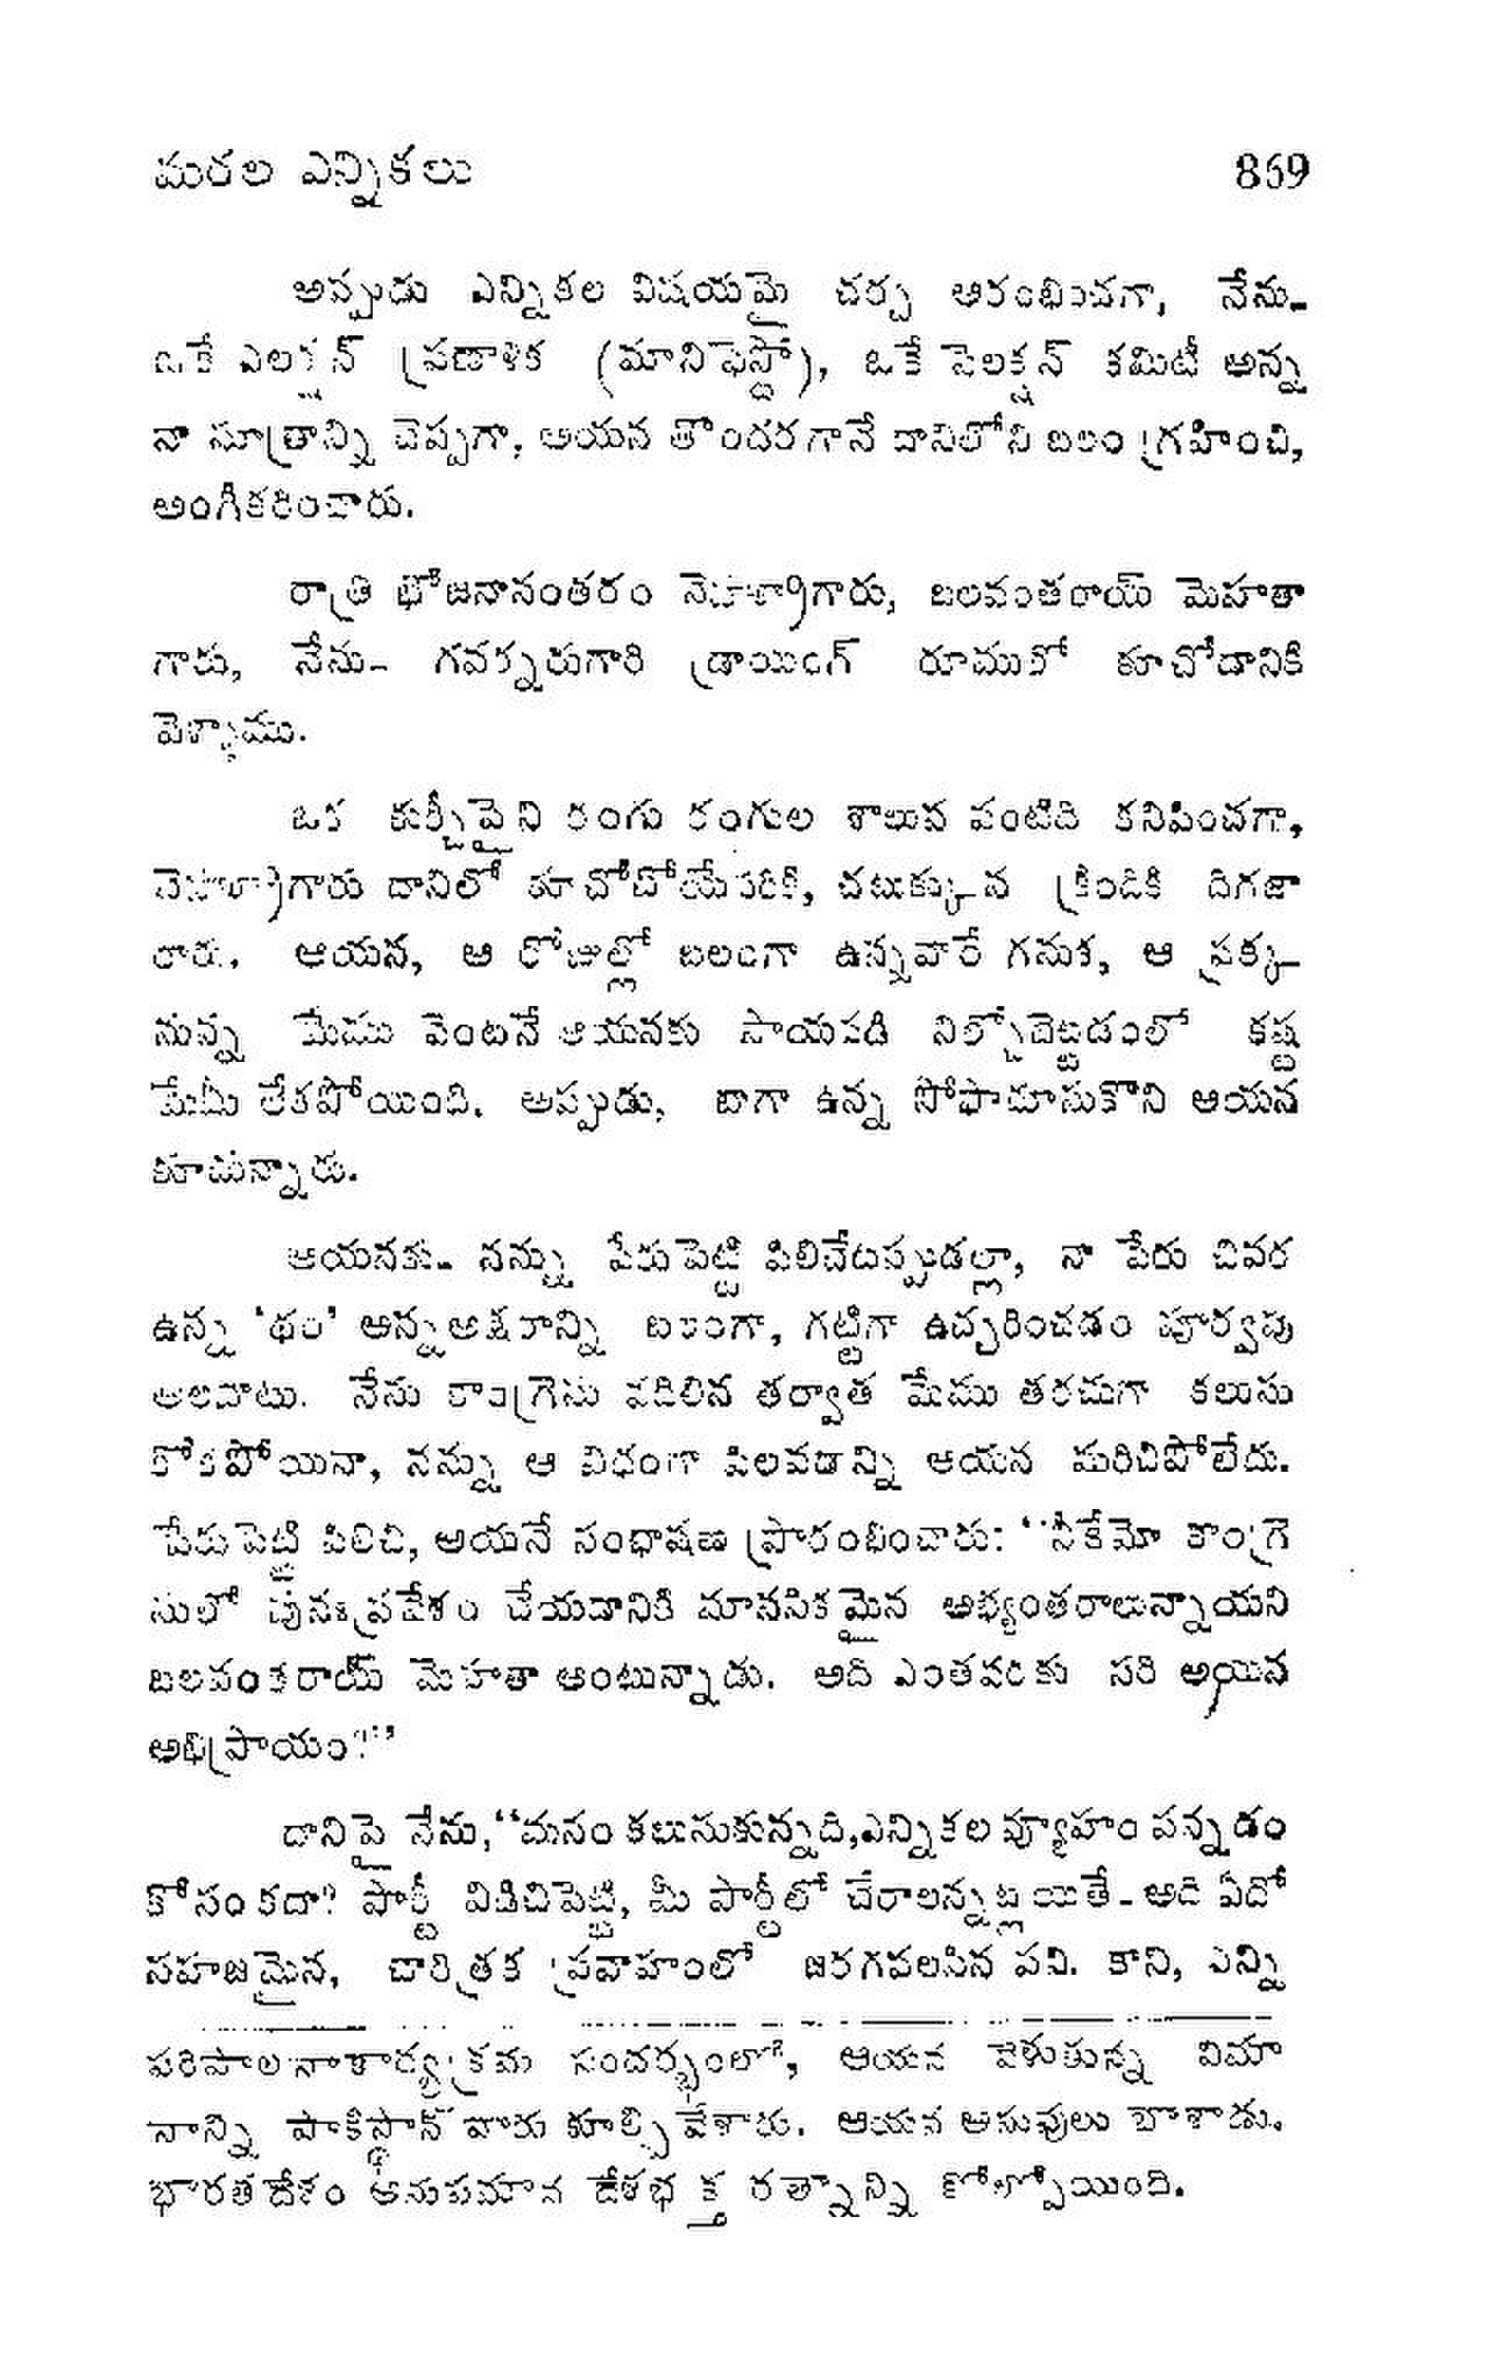అప్పుడు ఎన్నికల విషయమై చర్చ ఆరంభించగా, నేను - ఒకే ఎలక్షన్ ప్రణాళిక (మానిపెస్టో), ఒకే సెలక్షన్ కమిటీ అన్న నా సూత్రాన్ని చెప్పగా, ఆయన తొందరగానే దానిలోని బలం గ్రహించి, అంగీకరించారు.

రాత్రి భోజనానంతరం నెహ్రూగారు, బలవంతరాయ్ మెహతాగారు, నేను - గవర్నరుగారి డ్రాయింగ్ రూములో కూచోడానికి వెళ్ళాము

ఒక కుర్చీపైని రంగు రంగుల శాలువ వంటిది కనిపించగా, నెహ్రూగారు దానిలో కూచోబోయేసరికి, చటుక్కున క్రిందికి దిగజారారు. ఆయన, ఆ రోజుల్లో బలంగా ఉన్నవారే గనుక, ఆ ప్రక్కనున్న మేము వెంటనే ఆయనకు సాయపడి నిల్చోబెట్టడంలో కష్టమేమి లేకపోయింది. అప్పుడు, బాగా ఉన్న సోఫాచూసుకొని ఆయన కూచున్నారు.

ఆయనకు - నన్ను పేరుపెట్టి పిలిచేటప్పుడల్లా, నా పేరు చివర ఉన్న 'థం' అన్న అక్షరాన్ని బలంగా, గట్టిగా ఉచ్చరించడం పూర్వపు అలవాటు. నేను కాంగ్రెసు వదిలిన తర్వాత మేము తరచుగా కలుసుకోకపోయినా, నన్ను ఆ విధంగా పిలవాడాన్ని ఆయన మరిచిపోలేదు. పేరుపెట్టి పిలిచి, ఆయనే సంభాషణ ప్రారంభించారు: "నీకేమో కాంగ్రెసులో పున:ప్రవేశం చేయడానికి మానసికమైన అభ్యంతరాలున్నాయని బలవంతరాయ్ మెహతా అంటున్నాడు. అది ఎంతవరకు సరి అయిన అభిప్రాయం?"

దానిపై నేను, "మనం కలుసుకున్నది, ఎన్నికల వ్యూహం పన్నడం కోసం కదా? పార్టీ విడిచిపెట్టి, మీ పార్టీలో చేరాలన్నట్లయితే - అది ఏదో సహజమైన, చారిత్రక ప్రవాహంలో జరగవలసిన పని. కాని, ఎన్ని